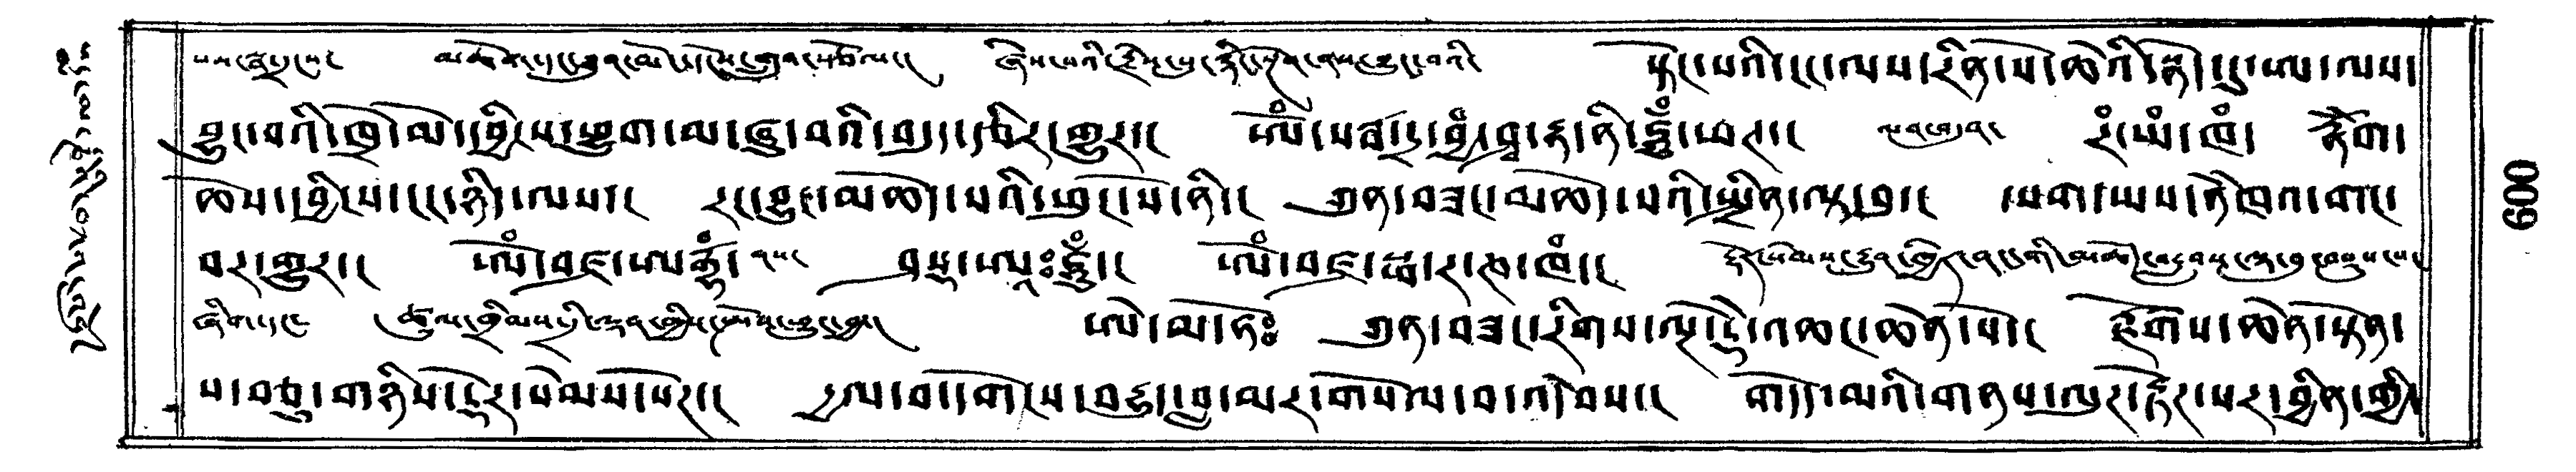སྣ་དྲངས། མཆོག་དང་ཐུན་མོང་དངོས་གྲུབ་སྩོལ། ཞེས་པའི་རྗེས་སུ་རྙིང་སྔོན་ནས་བྱུང་བའི། སྟོང་པའི་ངང་ལས་རིན་པོ་ཆེའི་སྣོད་དུ་ཨ་ལས་
བྱུང་བའི་ཁྲོ་མོ་དབྱིངས་ཕྱུག་མ་ཞུ་བའི་བདུད་རྩིར་གྱུར། ཨོཾ་སརྦ་དྲ་བྱཾ་ཤྭ་དྷ་ནི་ཧཱུྃ་ཕཊ། ལན་བདུན། རཾ་ཡཾ་ཁཾ། རྣམ་བདག་
ཆོས་དབྱིངས་ངང་ཉིད་ལས། །རང་བྱུང་མཆོད་པའི་ཕུང་པོ་ནི། །ཀུན་བཟང་མཆོད་པའི་སྤྲིན་ལྟ་བུ། །དཔག་ཡས་ནམ་མཁའ་གང་
བར་གྱུར། ཨོཾ་བཛྲ་ཨརྒྷཾ་ནས། ཤབྡ་ཨཱཿཧཱུྃ། ཨོཾ་བཛྲ་སྥ་ར་ཎ་ཁཾ། རྡོར་སེམས་རྒྱུན་ཁྱེར་ནང་གི་མཆོད་བརླབ་ལྟ་བུ་བསྡུས་པ་
ཞིག་དང་། ཚུལ་ཁྲིམས་དྲི་ལྡན༴ གྱིས་སྤོས་ཕྱུང་བྱ། ཨེ་མ་ཧོ། ཀུན་བཟང་རིགས་ལྔ་རྡོ་རྗེ་འཆང་ཆེན་པོ། །རྫོགས་ཆེན་སྟོན་
པ་བཅུ་གཉིས་རྡོར་སེམས་སོགས། །རྒྱལ་བ་དགོངས་བརྒྱུད་བླ་མར་གསོལ་བ་འདེབས། །གདོད་མའི་གནས་ལུགས་རྟོགས་པར་བྱིན་གྱིས་